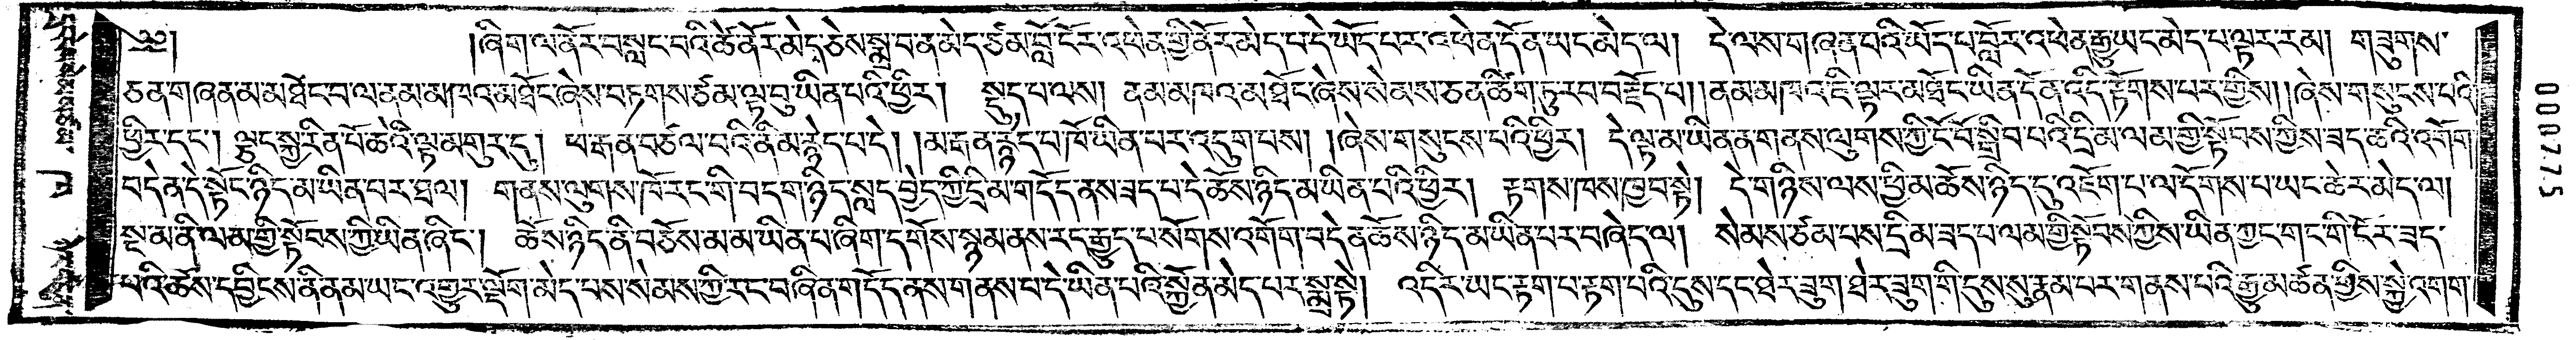༄༅། །ཞིག་ལ་ནོར་བསླང་བའི་ཚེ་ནོར་མེད་ཅེས་སྨྲ་བ་ན་མེད་ཙམ་བློ་ངོར་འཕེན་གྱི་ནོར་མེད་པ་དེ་ཡོད་པར་འཕེན་དོན་ཡང་མེད་ལ། དེ་ལས་གཞན་པའི་ཡོད་པ་བློར་འཕེན་རྒྱུ་ཡང་མེད་པ་ལྟར་རམ། གཟུགས་
ཅན་གཞན་མ་མཐོང་བ་ལ་ནམ་མཁའ་མཐོང་ཞེས་བཏགས་ཙམ་ལྟ་བུ་ཡིན་པའི་ཕྱིར། སྡུད་པ་ལས། ནམ་མཁའ་མཐོང་ཞེས་སེམས་ཅན་ཚིག་ཏུ་རབ་བརྗོད་པ། །ནམ་མཁའ་ཇི་ལྟར་མཐོང་ཡིན་དོན་འདི་རྟོགས་པར་གྱིས། །ཞེས་གསུངས་པའི་
ཕྱིར་དང་། ལྕང་སྐྱ་རིན་པོ་ཆེའི་ལྟ་མགུར་དུ། ཕ་རྒན་བཙལ་བའི་ནི་མ་རྙེད་པ་དེ། །མ་རྒན་རྙེད་པ་ཁོ་ཡིན་པར་འདུག་པས། །ཞེས་གསུངས་པའི་ཕྱིར། དེ་ལྟ་མ་ཡིན་ན་གནས་ལུགས་ཀྱི་ངོ་བོ་སྒྲིབ་པའི་དྲི་མ་ལམ་གྱི་སྟོབས་ཀྱིས་ཟད་ཆའི་འགོག་
བདེན་དེ་སྟོང་ཉིད་མ་ཡིན་པར་ཐལ། གནས་ལུགས་ཁོ་རང་གི་བདག་ཉིད་སླད་བྱེད་ཀྱི་དྲི་མ་གདོད་ནས་ཟད་པ་དེ་ཆོས་ཉིད་མ་ཡིན་པའི་ཕྱིར། རྟགས་ཁས་ཁྱབ་སྟེ། དེ་གཉིས་ལས་ཕྱི་མ་ཆོས་ཉིད་དུ་འཇོག་པ་ལ་དོགས་པ་ཡང་ཆེར་མེད་ལ།
སྔ་མ་ནི་ལམ་གྱི་སྟོབས་ཀྱི་ཡིན་ཞིང་། ཆོས་ཉིད་ནི་བཅོས་མ་མ་ཡིན་པ་ཞིག་དགོས་སྙམ་ནས་རང་རྒྱུད་པ་སོགས་འགོག་བདེན་ཆོས་ཉིད་མ་ཡིན་པར་བཞེད་ལ། སེམས་ཙམ་པས་དྲི་མ་ཟད་པ་ལམ་གྱི་སྟོབས་ཀྱིས་ཡིན་ཀྱང་གང་གི་ངོར་ཟད་
པའི་ཆོས་དབྱིངས་ནི་ནམ་ཡང་འགྱུར་ལྡོག་མེད་པས་སེམས་ཀྱི་རང་བཞིན་གདོད་ནས་གནས་པ་དེ་ཡིན་པའི་སྐྱོན་མེད་པར་སྨྲ་སྟེ། འདིར་ཡང་རྟག་པ་རྟག་པའི་དུས་དང་ཐེར་ཟུག་ཐེར་ཟུག་གི་དུས་སུ་རྣམ་པར་གནས་པའི་རྒྱུ་མཚན་གྱིས་སྐྱེ་འགག་